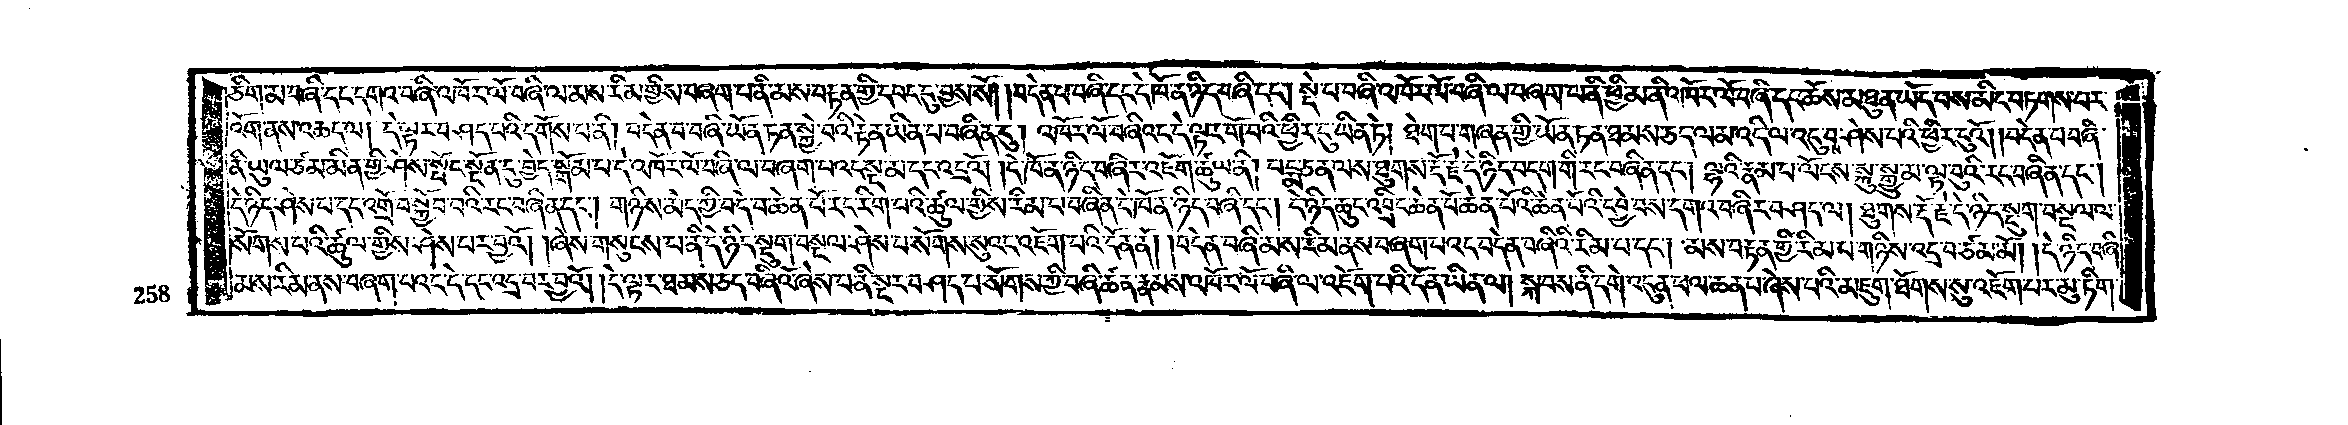ཅིག་མ་བཞི་དང་དགའ་བཞི་འཁོར་ལོ་བཞི་ལ་མས་རིམ་གྱིས་བཞག་པ་ནི་མས་བརྟན་གྱི་དབང་དུ་བྱས་སོ། །བདེན་པ་བཞི་དང་དེ་ཁོ་ན་ཉིད་བཞི་དང་། སྡེ་པ་བཞི་འཁོར་ལོ་བཞི་ལ་བཞག་པ་ནི་ཕྱི་མ་ནི་འཁོར་ལོ་བཞི་དང་ཆོས་མཐུན་ཡོད་པས་མིང་བཏགས་པར་
འོག་ནས་འཆད་ལ། དེ་ལྟར་བཤད་པའི་དགོས་པ་ནི། བདེན་པ་བཞི་ཡོན་ཏན་སྐྱེ་བའི་རྟེན་ཡིན་པ་བཞིན་དུ། འཁོར་ལོ་བཞིའང་དེ་ལྟར་གོ་བའི་ཕྱིར་དུ་ཡིན་ཏེ། ཐེག་པ་གཞན་གྱི་ཡོན་ཏན་ཐམས་ཅད་ལམ་འདི་ལ་འདུ་བས་ཤེས་པའི་ཕྱིར་དུའོ། །བདེན་པ་བཞི་
ནི་ཡུལ་ཙམ་མིན་གྱི་ཤེས་སྤོང་སྔོན་དུ་བྱེད་སྒོམ་པ་དེ་འཁོར་ལོ་བཞི་ལ་བཞག་པའང་སྔ་མ་དང་འདྲའོ། །དེ་ཁོ་ན་ཉིད་བཞིར་འཇོག་ཚུལ་ནི། པདམ་ཅན་ལས་ཐུགས་རྡོ་རྗེ་དེ་ཉིད་བདག་གི་རང་བཞིན་དང་། ལྷའི་རྣམ་པ་ལོངས་སྐུ་སྒྱུ་མ་ལྟ་བུའི་རང་བཞིན་དང་།
དེ་ཉིད་ཤེས་པ་དང་འགྲོ་བ་སྐྱོབ་པའི་རང་བཞིན་དང་། གཉིས་མེད་ཀྱི་བདེ་བ་ཆེན་པོ་རང་རིག་པའི་ཚུལ་གྱིས་རིམ་པ་བཞིན་དེ་ཁོ་ན་ཉིད་བཞི་དང་། དེ་ཉིད་ཆུང་འབྲིང་ཆེན་པོ་ཆེན་པོའི་ཆེན་པོའི་དབྱེ་བས་དགའ་བཞིར་བཤད་ལ། ཐུགས་རྡོ་རྗེ་དེ་ཉིད་སྡུག་བསྔལ་ལ་
སོགས་པའི་ཚུལ་གྱིས་ཤེས་པར་བྱའོ། །ཞེས་གསུངས་པ་ནི་དེ་ཉིད་སྡུག་བསྔལ་ཤེས་པ་སོགས་སུའང་འཇོག་པའི་དོན་ནོ། །བདེན་བཞི་མས་རིམ་ནས་བཞག་པའང་བདེན་བཞིའི་རིམ་པ་དང་། མས་བརྟན་གྱི་རིམ་པ་གཉིས་འདྲ་བ་ཙམ་མོ། །དེ་ཉིད་བཞི་
མས་རིམ་ནས་བཞག་པའང་དེ་དང་འདྲ་བར་བྱའོ། །དེ་ལྟར་ཐམས་ཅད་བཞིའོ་ཞེས་པ་ནི་སྔར་བཤད་པ་སོགས་ཀྱི་བཞི་ཚན་རྣམས་འཁོར་ལོ་བཞི་ལ་འཇོག་པའི་དོན་ཡིན་ལ། སྐབས་ནི་དགེ་འདུན་ཕལ་ཆེན་པ་ཞེས་པའི་མཇུག་ཐོགས་སུ་འཇོག་པར་མུ་ཏིག་